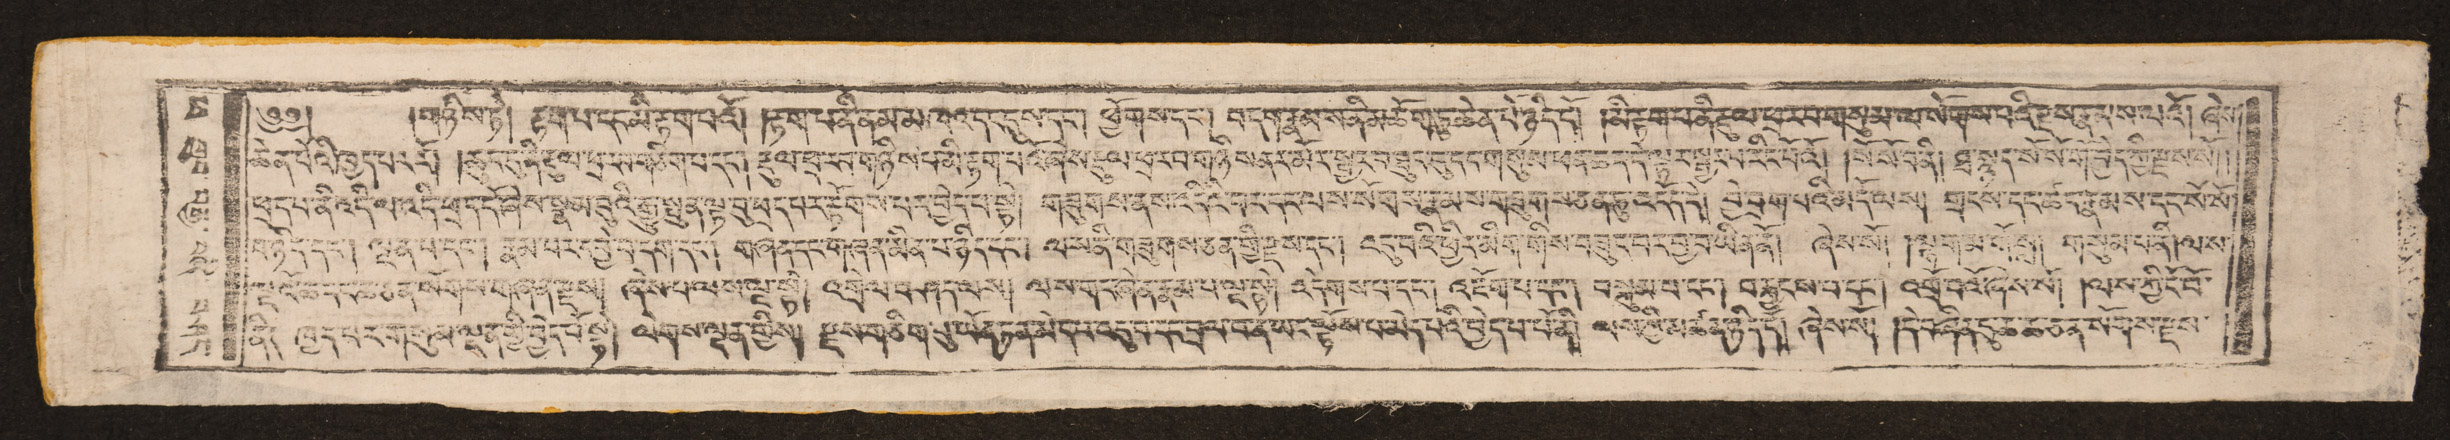༄༅། །གཉིས་ཏེ། རྟག་པ་དང་མི་རྟག་པའོ། །རྟག་པ་ནི་ནམ་མཁའ་དང་དུས་དང་། ཕྱོགས་དང་། བདག་རྣམས་ནི་མཆོག་ཏུ་ཆེན་པོ་ཉིད་དོ། །མི་རྟག་པ་ནི་རྡུལ་ཕྲ་རབ་གསུམ་ལ་སོགས་པའི་རྫས་རྣམས་ལའོ། ཞེས་
ཆེན་པོའི་ཁྱད་པར་རོ། །ཆུང་དུ་ནི་རྡུལ་ཕྲ་རབ་གཅིག་པ་དང་། རྡུལ་ཕྲ་རབ་གཉིས་པ་མི་རྟག་པའོ་ཞེས་རྡུལ་ཕྲ་རབ་གཉིས་ནར་མོར་སྒྱར་བ་ཐུང་དུ་དང་གསུམ་ཕན་ཆད་དེ་ལྟར་སྦྱར་པ་རིང་པོའོ། །སོ་སོ་བ་ནི། ཐ་སྙད་སོ་སོ་གོ་བྱེད་ཀྱི་རྫས་སོ།།
ཕྲད་པ་ནི་འདི་ལ་འདི་ཕྲད་དོ་ཞེས་སྣམ་བུའི་རྒྱུ་སྤུན་ལྟ་བུ་ཕྲད་པར་རྟོགས་པར་བྱེད་པ་སྟེ། གཟུགས་ནས་འདིའི་བར་དང་ལས་སོགས་རྣམས་གཟུགས་ཅན་ཏུ་འདོད་དེ། བྱེ་བྲག་པའི་མདོ་ལས། གྲངས་དང་ཚད་རྣམས་དང་སོ་སོ་
བ་ཉིད་དང་། ལྡན་པ་དང་། རྣམ་པར་དབྱེ་བ་དག་དང་། གཞན་དང་གཞན་མིན་པ་ཉིད་དང་། ལས་ནི་གཟུགས་ཅན་གྱི་རྫས་དང་། འདུ་བའི་ཕྱིར་མིག་གིས་བཟུང་བར་བྱ་བ་ཡིན་ནོ། ཞེས་སོ། །ལྷག་མ་གོ་སླ། གསུམ་པ་ནི། ལས་
ལྔའོ་ཆ་དང་ཆ་ཅན་སོགས་གཞན་རྫས། ཞེས་པ་ལས་ལྔ་སྟེ། འགྲེལ་བཤད་ལས། ལས་གང་ཞེན་རྣམ་པ་ལྔ་སྟེ། འདོགས་པ་དང་། འཇོག་པ་དང་། བསྐུམ་པ་དང་། བརྐྱང་ས་བ་དང་། འགྲོ་བའོ་ཞེས་སོ། །ལས་ཀྱི་ངོ་བོ་
ནི༑ ཁྱད་པར་གསུམ་ལྡན་གྱི་བྱེད་པོ་སྟེ། ལེགས་ལྡན་གྱིས། རྫས་གཅིག་པུ་ཡོན་ཏན་མེད་པ་འདུ་བ་དང་བྲལ་བ་ན་ཡང་ལྟོས་པ་མེད་པའི་བྱེད་པ་པོ་ནི། ལས་ཀྱི་མཚན་ཉིད་དོ། ཞེས་སོ། །དེ་བཞིན་དུ་ཆ་ཆ་ཅན་སོགས་རྫས་